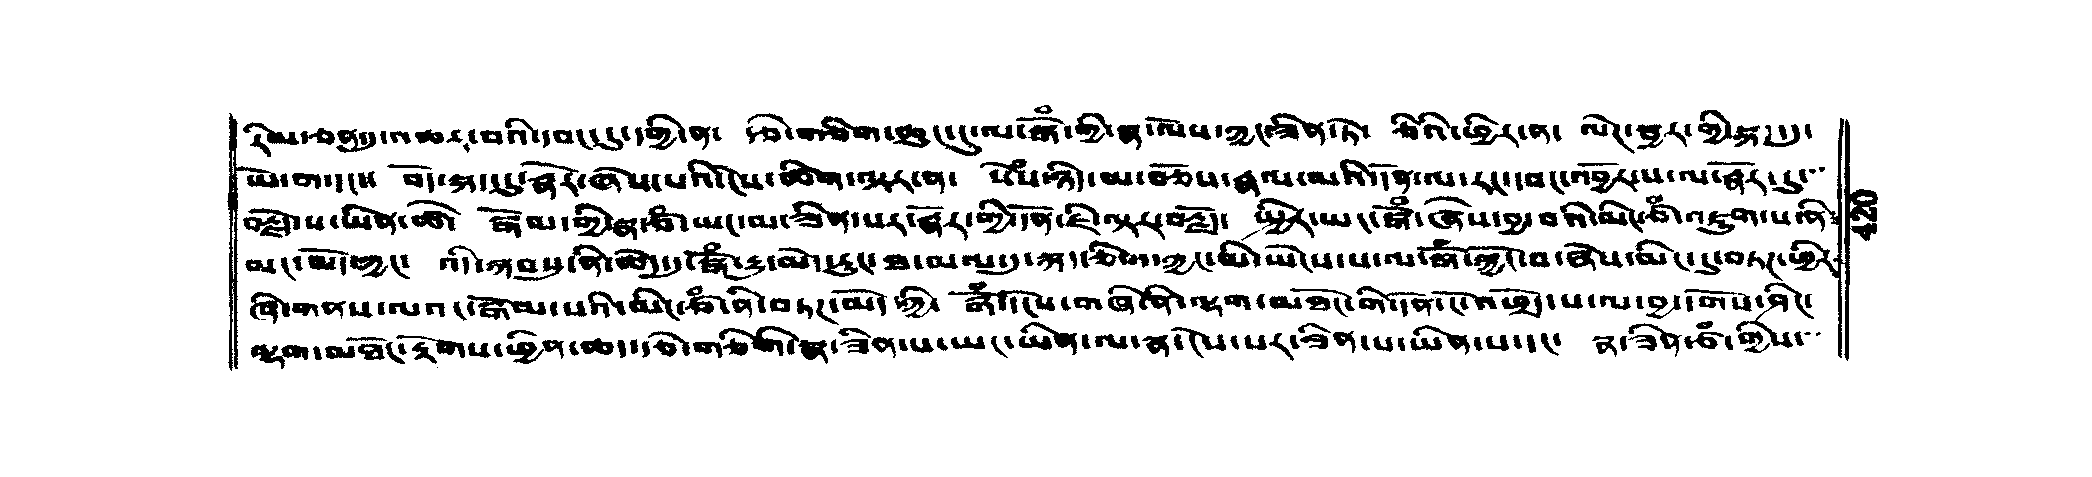རིམ་ཅན་དུ་འཆར་བའི་དབང་དུ་བགྱི་ན།རྩེ་གཅིག་ཆུང་ངུ་ལ་སྒོམ་སྣ་ལོས་ཀྱང་ཟིན་ཏེ། ཅིའི་ཕྱིར་ན། ལེགས་སྦྱར་གྱི་སྐད་དུ་
ཡོ་ག་དང་། བོད་སྐད་དུ་རྣལ་འབྱོར་ཞེས་པའི་ངེས་ཚིག་ལྟར་ན། སེམས་ཉིད་མ་བཅོས་རྣལ་མའི་དོན་ལ་རང་དབང་འབྱོར་པ་ལ་སྣལ་འབྱོར་དུ་
བརྗོད་པ་ཡིན་ཚེ། སྒོམ་གྱི་སྣ་ཙམ་ཡང་མ་ཟིན་པར་རྣལ་འབྱོར་གྱི་དོན་ཇི་ལྟར་བརྗོད། སྤྱིར་ཡང་སྒོམ་ཞེས་བྱ་བའི་མིང་ཙམ་འཇུག་པ་ནི་
མང་མོད་ཀྱང་། འདི་སྐབས་སུ་ནི་ཆེད་དུ་སྒོམ་རྒྱུ་མེད་རུང་ཐ་མལ་དུ་སྐད་ཅིག་ཀྱང་མི་ཡེངས་པ་ལ་སྒོམ་སྐྱོང་བ་ཞེས་མིང་དུ་བཏགས་ཕྱིར་
ཞི་གནས་ལའང་སྒོམ་པའི་མིང་ཙམ་ནི་བཏགས་མོད་ཀྱི། སྒོམ་དངོསགཞི་ནི་ལྷག་མཐོང་གི་དོན་ངོ་འཕྲོད་པ་ལ་བྱ་དགོས་ཤིང་། 
ལྷག་མཐོང་རྟོགས་ཕྱིན་ཆད་རྩེ་གཅིག་གི་སྣ་ཟིན་པ་ཡང་ཡིན་ལ་སྣ་ངེས་པར་ཟིན་པ་དང་། སྣ་ཟིན་ཙམ་གྱིས་